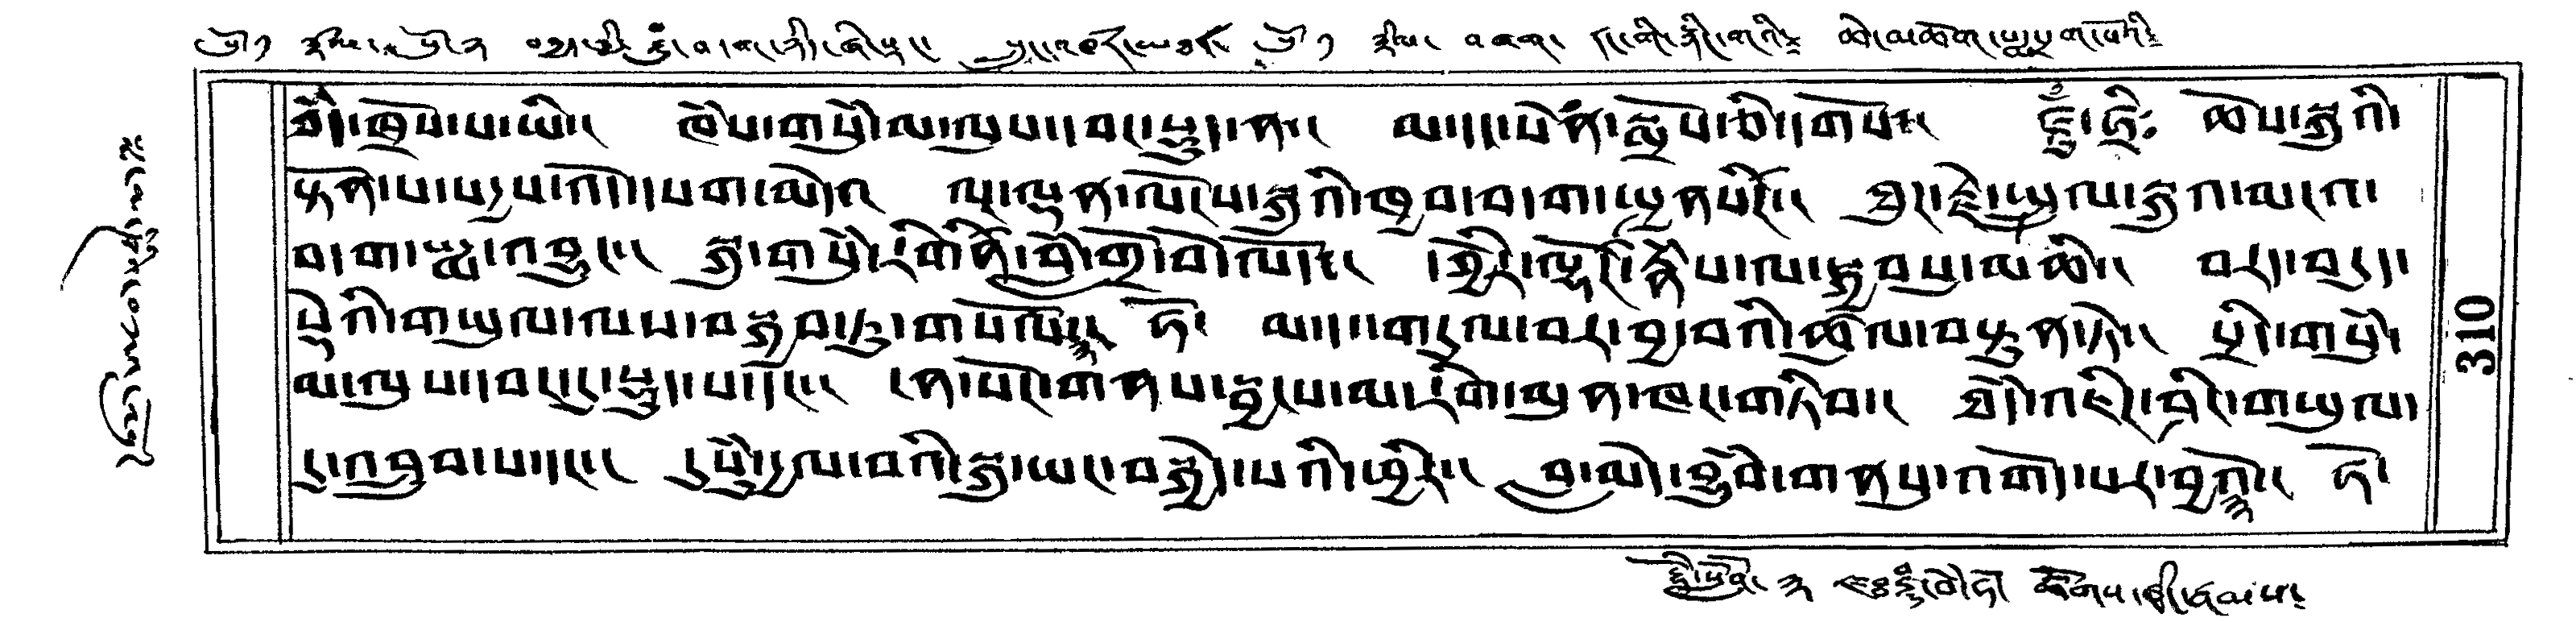ཐམས་ཅད་ཁྲོས་པ་ཡི། ཁམས་གསུམ་མ་ལུས་དབང་སྡུད་ན། །མ་དད་སེམས་ཅན་སྨྲོས་ཅི་དགོས། ཧཱུྃ་ཧྲིཿ ཆོས་སྐུའི་
སྟོན་པ་སངས་རྒྱས་འོད་དཔག་མེད། །ལྔ་ལྡན་ལོངས་སྐུའི་ཁྱབ་བདག་སྤྱན་རས་གཟིགས། །ཐུགས་རྗེ་སྤྲུལ་སྐུའི་མངའ་
བདག་པདྨ་འབྱུང་། །སྐུ་གསུམ་རིག་འཛིན་བླ་མ་གྲོ་བོ་ལོད། །དཀྱིལ་འཁོར་ལྷ་ཚོགས་རྣམས་ལ་སྐྱབས་སུ་མཆི། །བར་ཆད་བདུད་
སྡེའི་གཡུལ་ལས་བསྐྱབ་ཏུ་གསོལ། ལན་གསུམ། ཧོཿ མ་དད་གདུལ་བར་བྱ་བའི་ཚུལ་སྟུན་ཏེ། །སྲིད་གསུམ་
མ་ལུས་དབང་དུ་སྡུད་པ་དང་། །ངན་སོང་གནས་སྦྱངས་མ་རིག་མུན་ཁང་གཏིབ། །ཐམས་ཅད་འཇིགས་ཤིང་གཡུལ་
དུ་འབྲུབ་པ་དང་། དུས་གསུམ་རྒྱལ་བའི་སྐུ་ཡང་བསྐྱེད་པའི་ཕྱིར། །བླ་མེད་བྱང་ཆུབ་གནས་སུ་འགོད་པར་བྱའོ། ལན་གསུམ། ཧོཿ